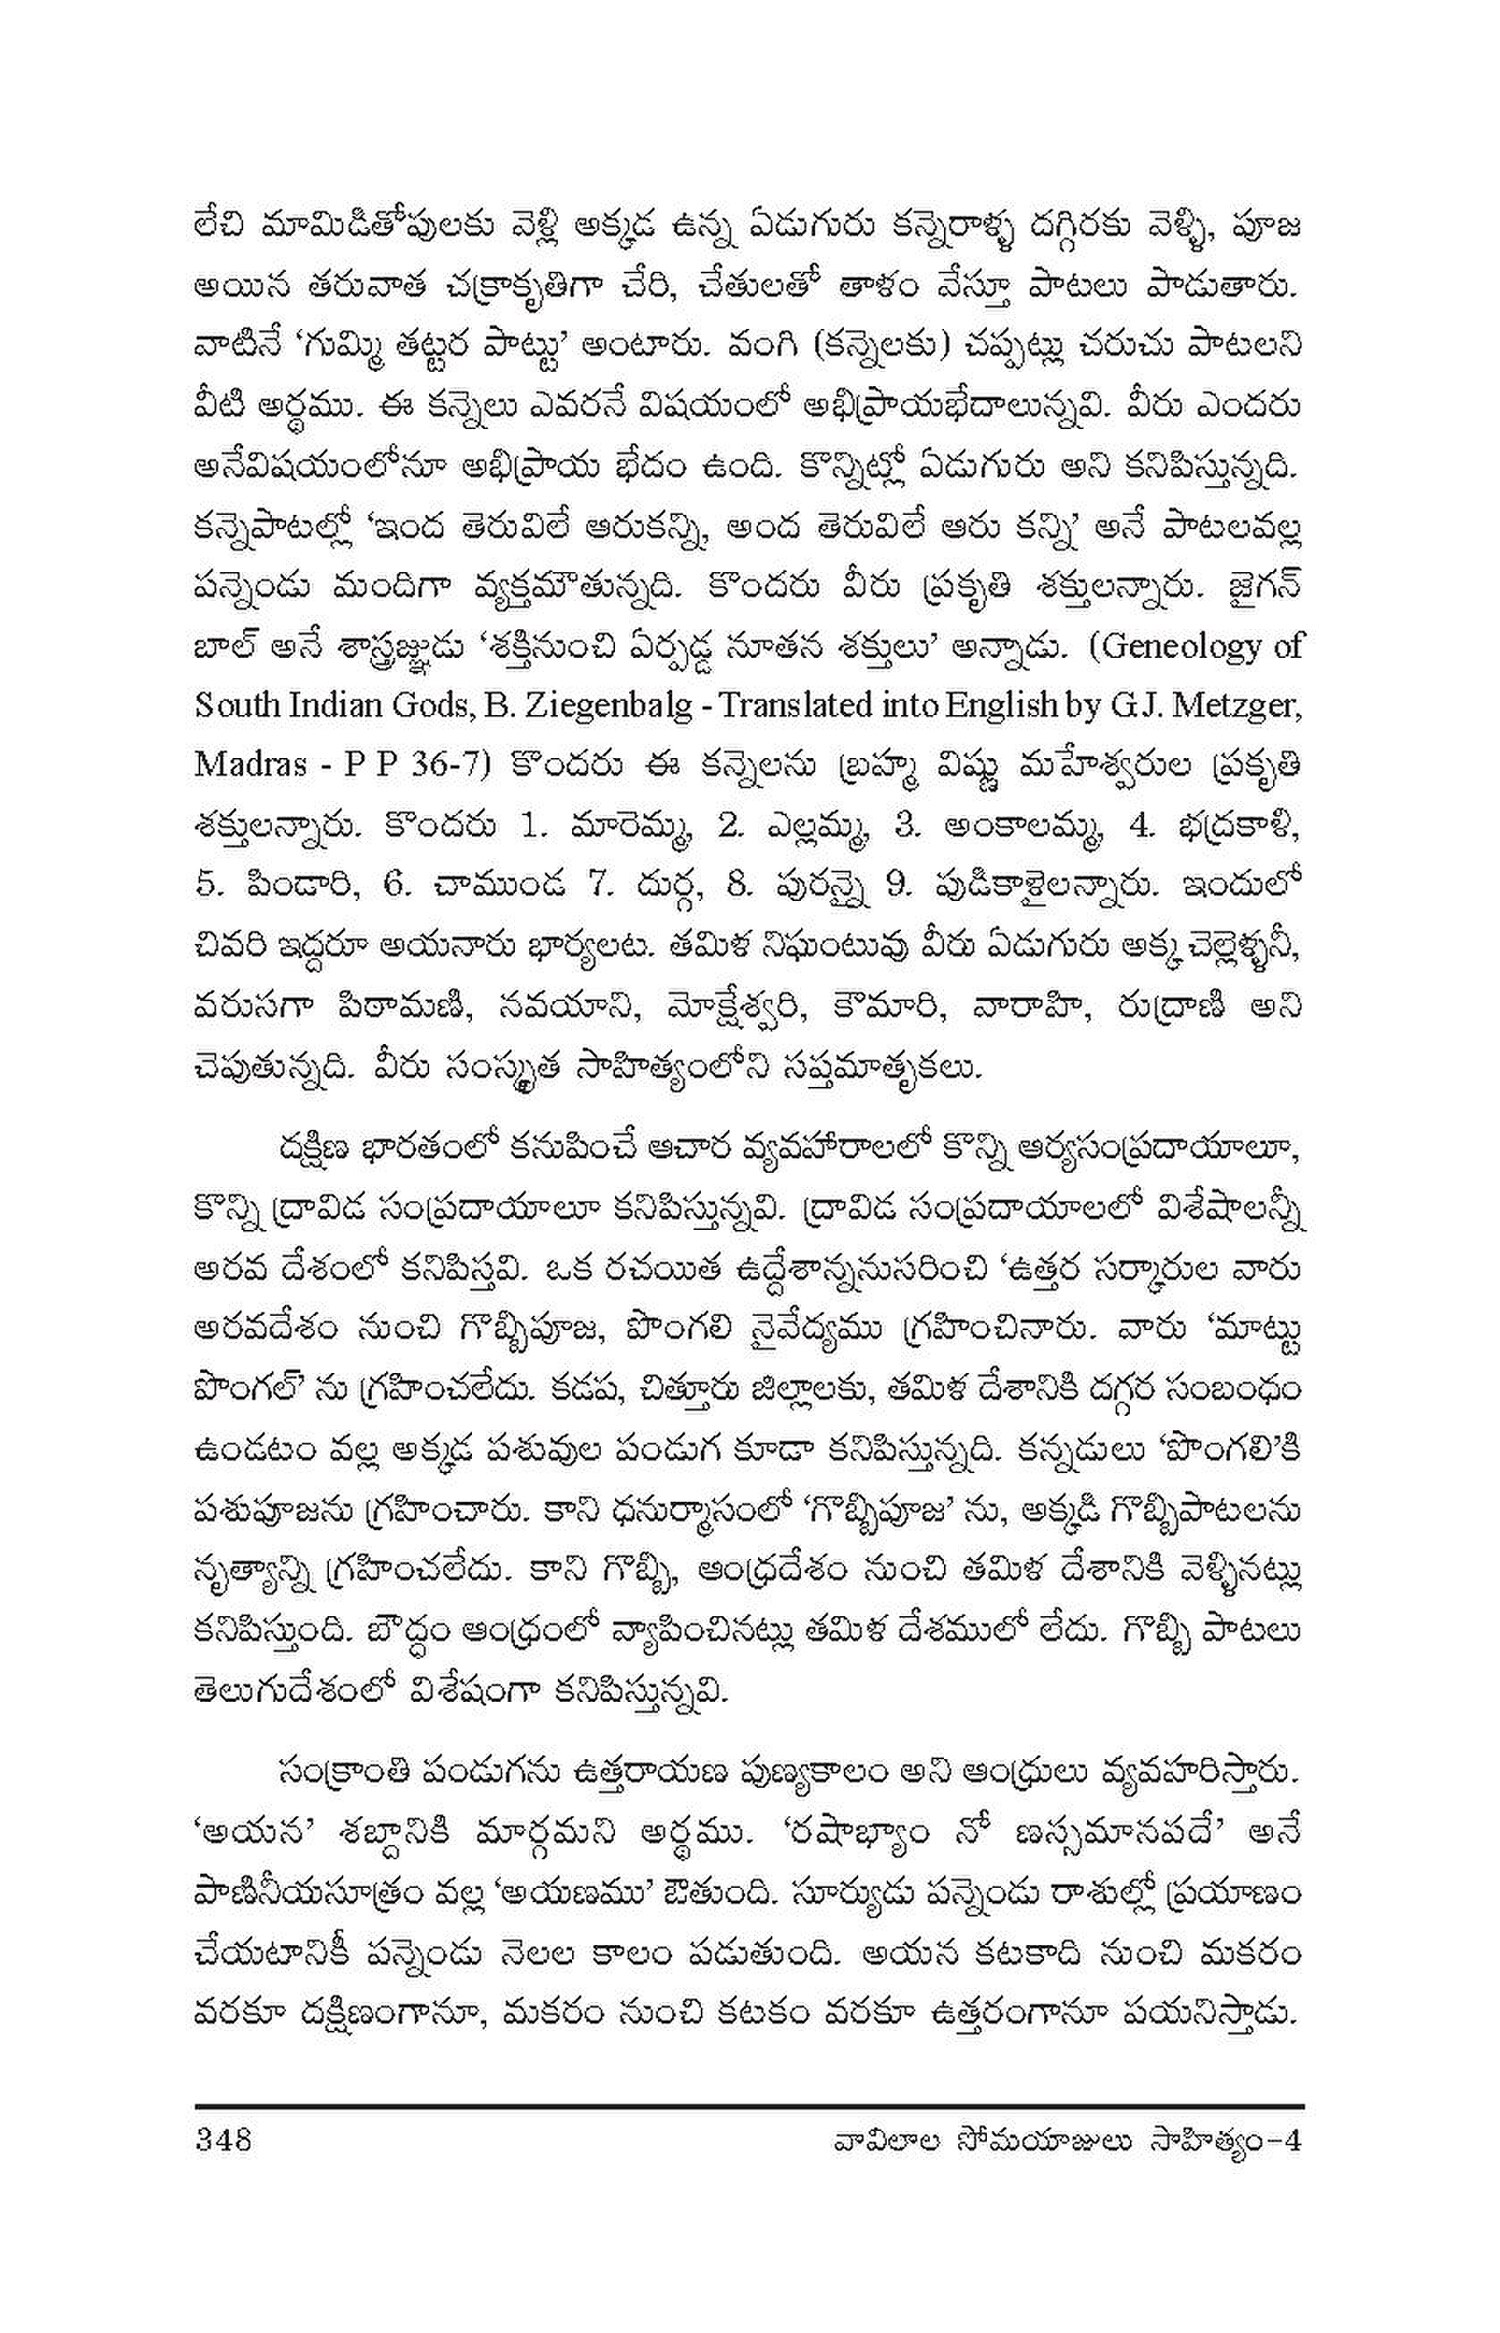లేచి మామిడితోపులకు వెళ్లి అక్కడ ఉన్న ఏడుగురు కన్నెరాళ్ళ దగ్గిరకు వెళ్ళి, పూజ
అయిన తరువాత చక్రాకృతిగా చేరి, చేతులతో తాళం వేస్తూ పాటలు పాడుతారు.
వాటినే 'గుమ్మి తట్టర పాట్టు' అంటారు. వంగి (కన్నెలకు) చప్పట్లు చరుచు పాటలని
వీటి అర్థము. ఈ కన్నెలు ఎవరనే విషయంలో అభిప్రాయభేదాలున్నవి. వీరు ఎందరు
అనేవిషయంలోనూ అభిప్రాయ భేదం ఉంది. కొన్నిట్లో ఏడుగురు అని కనిపిస్తున్నది.
కన్నెపాటల్లో 'ఇంద తెరువిలే ఆరుకన్ని, అంద తెరువిలే ఆరు కన్ని' అనే పాటలవల్ల
పన్నెండు మందిగా వ్యక్తమౌతున్నది. కొందరు వీరు ప్రకృతి శక్తులన్నారు. జైగన్
బాల్ అనే శాస్త్రజ్ఞుడు 'శక్తినుంచి ఏర్పడ్డ నూతన శక్తులు' అన్నాడు. (Geneology of
South Indian Gods, B. Ziegenbalg - Translated into English by G.J. Metzger,
Madras - P P 36-7) కొందరు ఈ కన్నెలను బ్రహ్మ విష్ణు మహేశ్వరుల ప్రకృతి
శక్తులన్నారు. కొందరు 1. మారెమ్మ, 2. ఎల్లమ్మ, 3. అంకాలమ్మ, 4. భద్రకాళి,
5. పిండారి, 6. చాముండ 7. దుర్గ, 8. పురన్నై 9. పుడికాళైలన్నారు. ఇందులో
చివరి ఇద్దరూ అయనారు భార్యలట. తమిళ నిఘంటువు వీరు ఏడుగురు అక్క చెల్లెళ్ళనీ,
వరుసగా పిఠామణి, నవయాని, మోక్షేశ్వరి, కౌమారి, వారాహి, రుద్రాణి అని
చెపుతున్నది. వీరు సంస్కృత సాహిత్యంలోని సప్తమాతృకలు.

దక్షిణ భారతంలో కనుపించే ఆచార వ్యవహారాలలో కొన్ని ఆర్యసంప్రదాయాలూ,
కొన్ని ద్రావిడ సంప్రదాయాలూ కనిపిస్తున్నవి. ద్రావిడ సంప్రదాయాలలో విశేషాలన్నీ
అరవ దేశంలో కనిపిస్తవి. ఒక రచయిత ఉద్దేశాన్ననుసరించి 'ఉత్తర సర్కారుల వారు
అరవదేశం నుంచి గొబ్బిపూజ, పొంగలి నైవేద్యము గ్రహించినారు. వారు 'మాట్టు
పొంగల్' ను గ్రహించలేదు. కడప, చిత్తూరు జిల్లాలకు, తమిళ దేశానికి దగ్గర సంబంధం
ఉండటం వల్ల అక్కడ పశువుల పండుగ కూడా కనిపిస్తున్నది. కన్నడులు 'పొంగలి'కి
పశుపూజను గ్రహించారు. కాని ధనుర్మాసంలో 'గొబ్బిపూజ' ను, అక్కడి గొబ్బిపాటలను
నృత్యాన్ని గ్రహించలేదు. కాని గొబ్బి, ఆంధ్రదేశం నుంచి తమిళ దేశానికి వెళ్ళినట్లు
కనిపిస్తుంది. బౌద్ధం ఆంధ్రంలో వ్యాపించినట్లు తమిళ దేశములో లేదు. గొబ్బి పాటలు
తెలుగుదేశంలో విశేషంగా కనిపిస్తున్నవి.

సంక్రాంతి పండుగను ఉత్తరాయణ పుణ్యకాలం అని ఆంధ్రులు వ్యవహరిస్తారు.
'అయన' శబ్దానికి మార్గమని అర్థము. 'రషాభ్యాం నో ణస్సమానపదే' అనే
పాణినీయసూత్రం వల్ల 'అయణము' ఔతుంది. సూర్యుడు పన్నెండు రాశుల్లో ప్రయాణం
చేయటానికి పన్నెండు నెలల కాలం పడుతుంది. ఆయన కటకాది నుంచి మకరం
వరకూ దక్షిణంగానూ, మకరం నుంచి కటకం వరకూ ఉత్తరంగానూ పయనిస్తాడు.